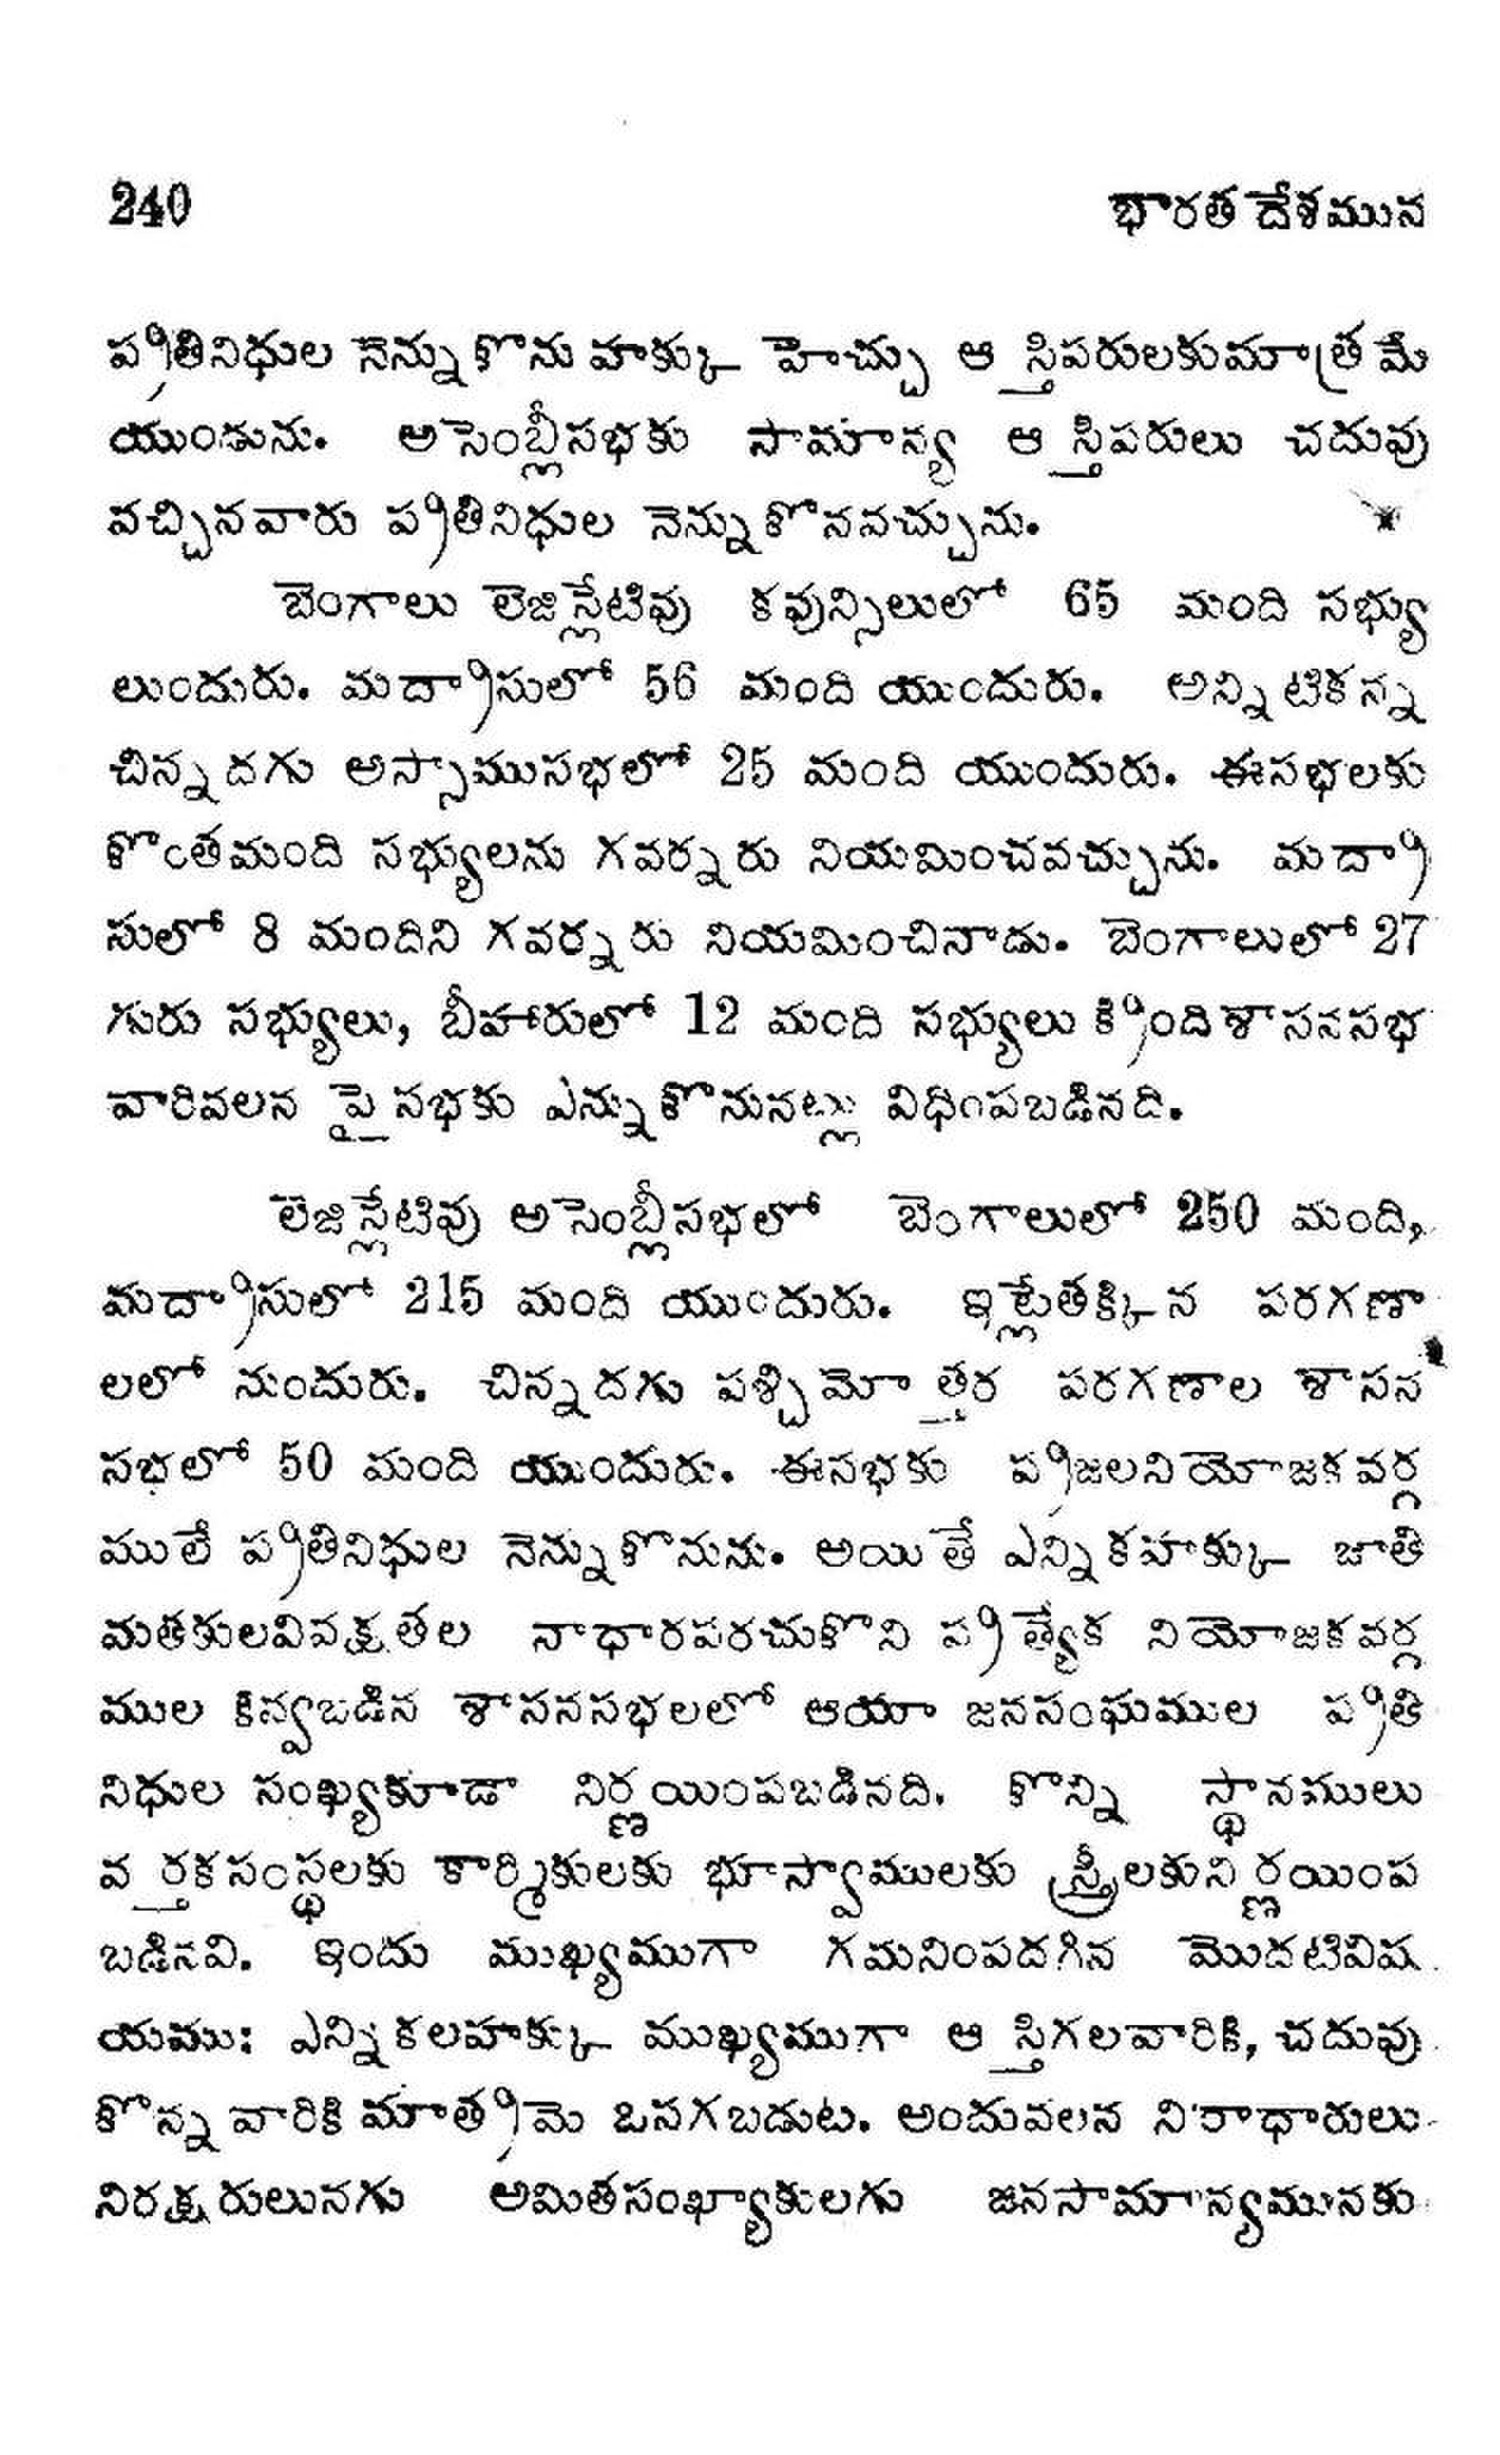ప్రతినిధుల నెన్నుకొనుహక్కు హెచ్చు ఆస్తిపరులకుమాత్రమే యుండును. అసెంబ్లీసభకు సామాన్య ఆస్తిపరులు చదువు వచ్చినవారు ప్రతినిధుల నెన్నుకొనవచ్చును.

బెంగాలు లెజిస్లేటివు కవున్సిలులో 65 మంది సభ్యులుందురు. మద్రాసులో 56 మంది యుందురు. అన్నిటికన్న చిన్నదగు అస్సాముసభలో 25 మంది యుందురు. ఈసభలకు కొంతమంది సభ్యులను గవర్నరు నియమించవచ్చును. మద్రాసులో 8 మందిని గవర్నరు నియమించినాడు. బెంగాలులో 27 గురు సభ్యులు, బీహారులో 12 మంది సభ్యులు క్రిందిశాసనసభ వారివలన పైసభకు ఎన్నుకొనునట్లు విధింపబడినది.

లెజిస్లేటివు అసెంబ్లీసభలో బెంగాలులో 250 మంది, మద్రాసులో 215 మంది యుందురు. ఇట్లేతక్కిన పరగణాలలో నుందురు. చిన్నదగు పశ్చిమోత్తర పరగణాల శాసనసభలో 50 మంది యుందురు. ఈసభకు ప్రజలనియోజకవర్గములే ప్రతినిధుల నెన్నుకొనును. అయితే ఎన్నికహక్కు జాతిమతకులవివక్షతల నాధారపరచుకొని ప్రత్యేక నియోజకవర్గముల కివ్వబడిన శాసనసభలలో ఆయా జనసంఘముల ప్రతినిధుల సంఖ్యకూడా నిర్ణయింపబడినది. కొన్ని స్థానములు వర్తకసంస్థలకు కార్మికులకు భూస్వాములకు స్త్రీలకునిర్ణయింపబడినవి. ఇందు ముఖ్యముగా గమనింపదగిన మొదటివిషయము: ఎన్నికలహక్కు ముఖ్యముగా ఆస్తిగలవారికి, చదువుకొన్నవారికి మాత్రమె ఒసగబడుట. అందువలన నిరాధారులు. నిరక్షరులునగు అమితసంఖ్యాకులగు జనసామాన్యమునకు